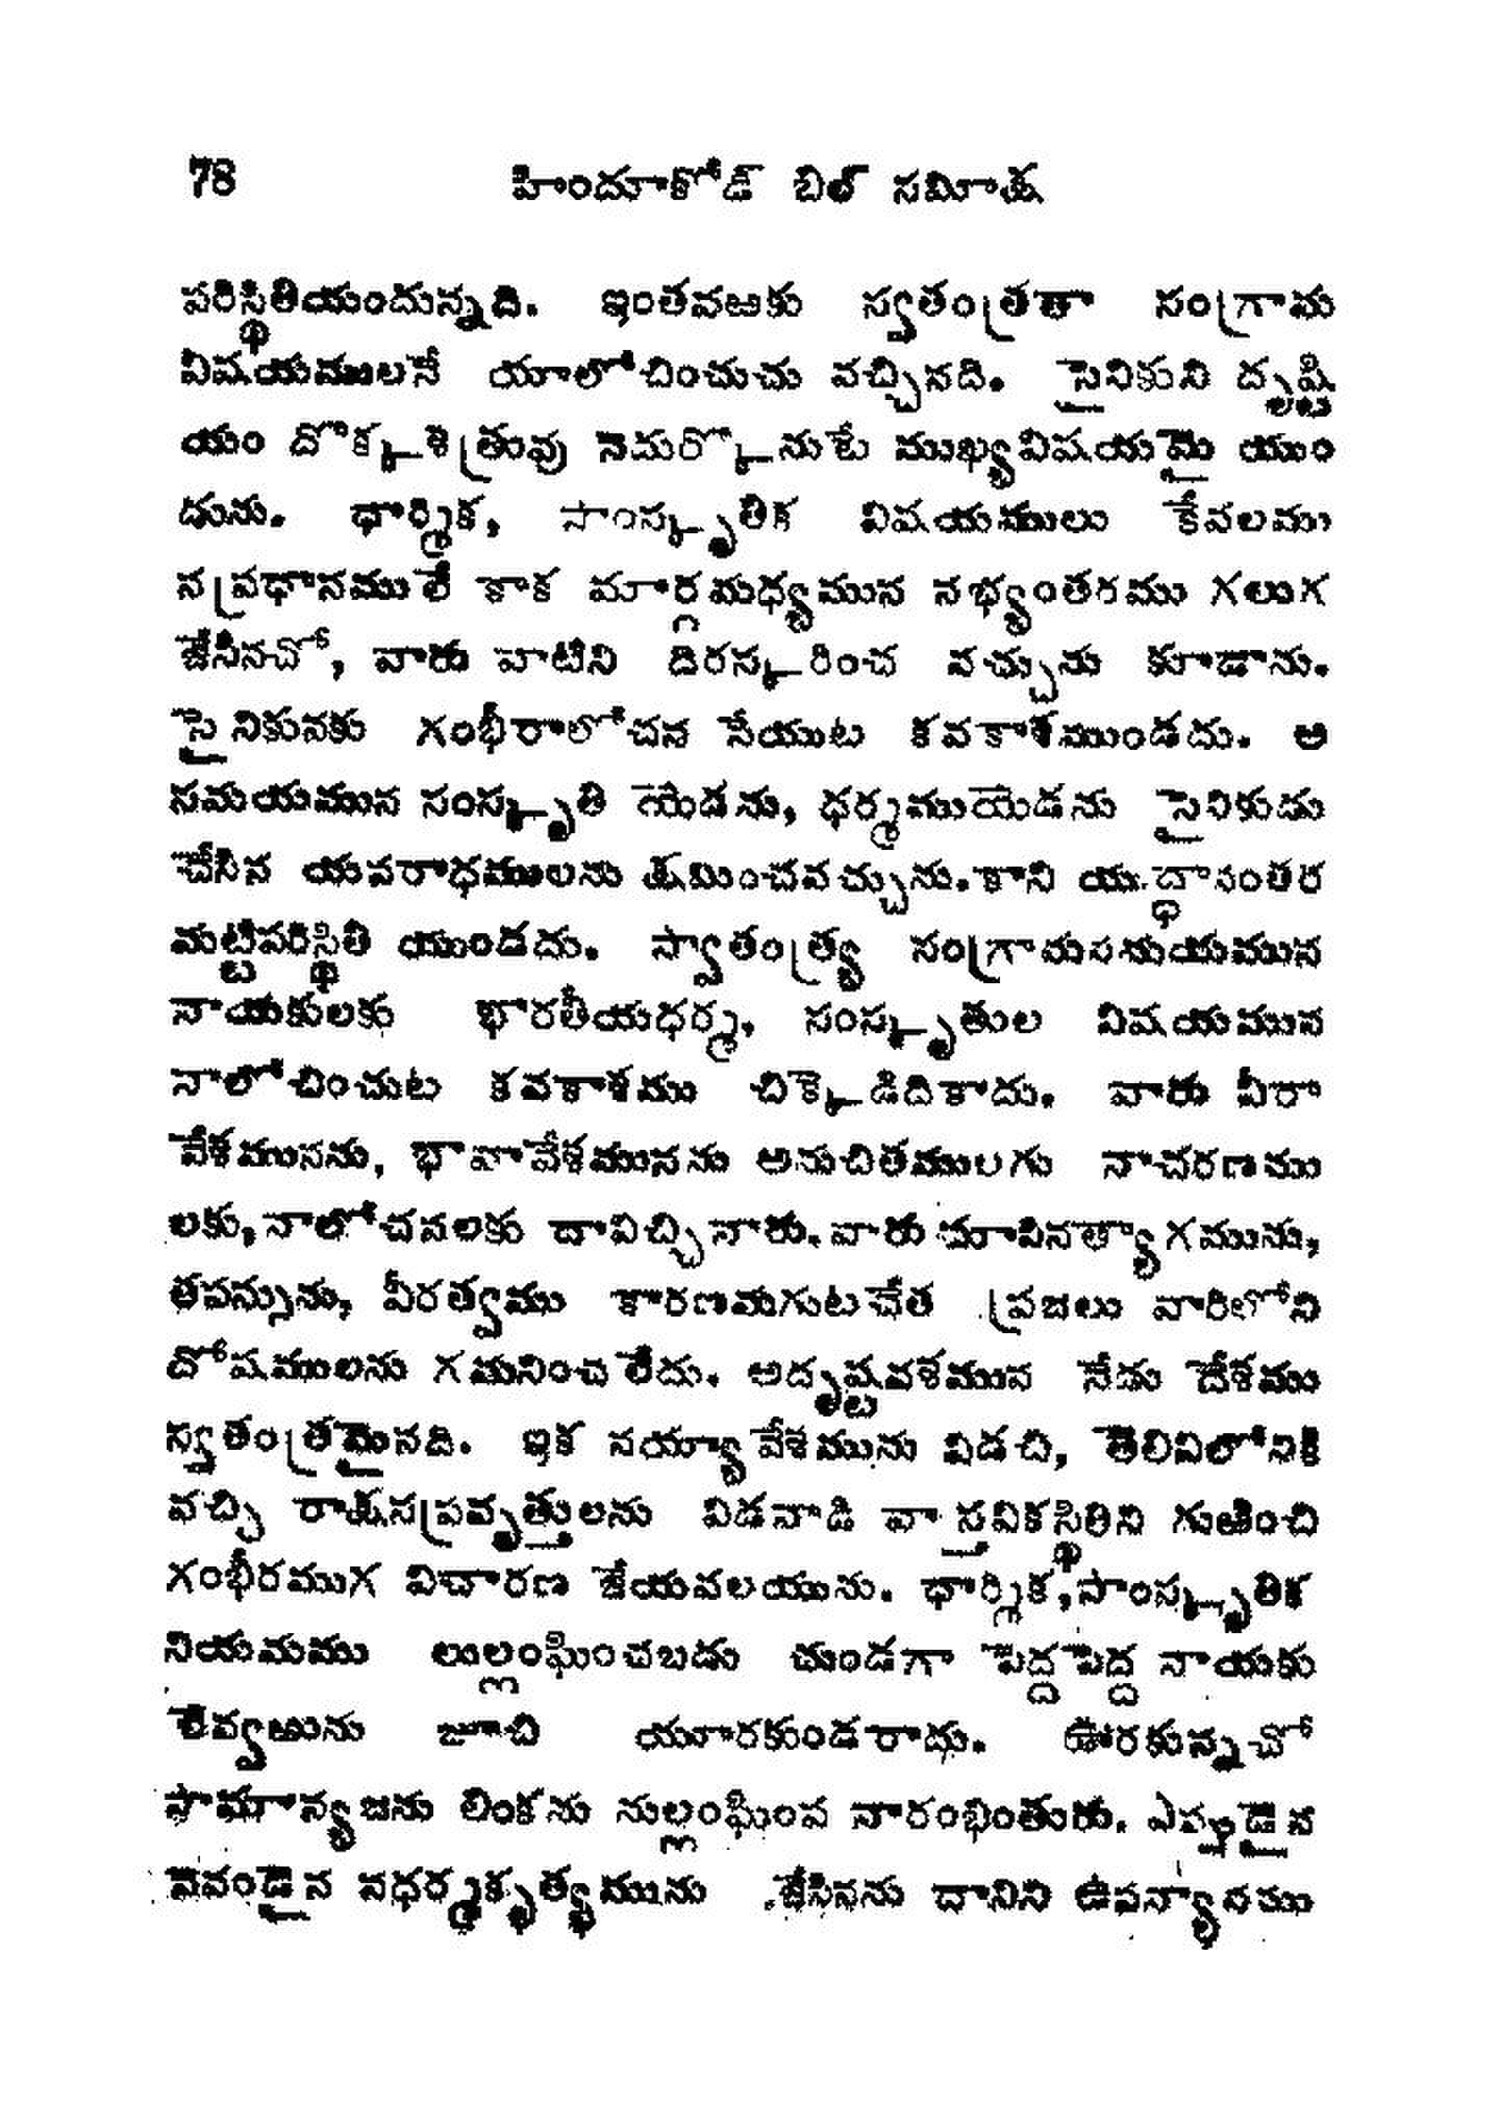పరిస్థితియందున్నది. ఇంతవఱకు స్వతంత్రతా సంగ్రామ
విషయములనే యాలోచించుచు వచ్చినది. సైనికుని దృష్టి 
యం దొక్కశత్రువు నెదుర్కొనుటే ముఖ్యవిషయమై యుండును. 
ధార్మిక, సాంస్కృతిక విషయములు కేవలము నప్రధానములే కాక 
మార్గమధ్యమున నభ్యంతరము గలుగ
జేసినచో, వారు వాటిని దిరస్కరించ వచ్చును కూడాను.
"సైనికునకు గంభీరాలోచన సేయుట కవకాశముండదు. ఆ
సమయమున సంస్కృతి యెడను, ధర్మముయెడను సైనికుడు
చేసిన యవరాధములను క్షమించవచ్చును. కాని యుద్ధానంతర
మట్టిపరిస్థితి యుండదు. స్వాతంత్య్ర సంగ్రామసమయమున
నాయకులకు భారతీయధర్మ, సంస్కృతుల విషయమును
నాలోచించుట కవకాశము చిక్కెడిదికాదు. వారు వీరావేశమునను, 
భావావేశమునను అనుచితములగు నాచరణములకు, 
నాలోచనలకు దావిచ్చినారు. వారు చూపిన త్యాగమును,
తపస్సును, వీరత్వము కారణమగుట చేత ప్రజలు వారిలోని
దోషములను గమనించలేదు. అదృష్టవశమున నేడు దేశము
స్వతంత్రమైనది. ఇక నయ్యావేశమును విడచి, తెలివిలోనికి
వచ్చి రాక్షస ప్రవృత్తులను విడనాడి వాస్తవికస్థితిని గుఱించి
గంభీరముగ విచారణ జేయవలయును. ధార్మిక, సాంస్కృతిక
నియమము లుల్లంఘించబడు చుండగా పెద్ద పెద్ద నాయకు
లెవ్వఱును జూచియూరకుండరాదు. ఊరకున్నచో సామాన్యజను 
లింకను నుల్లంఘింప నారంభింతురు. ఎప్పుడైన
నెవండైన న ధర్మకృత్యమును జేసినను దానిని ఉపన్యానము